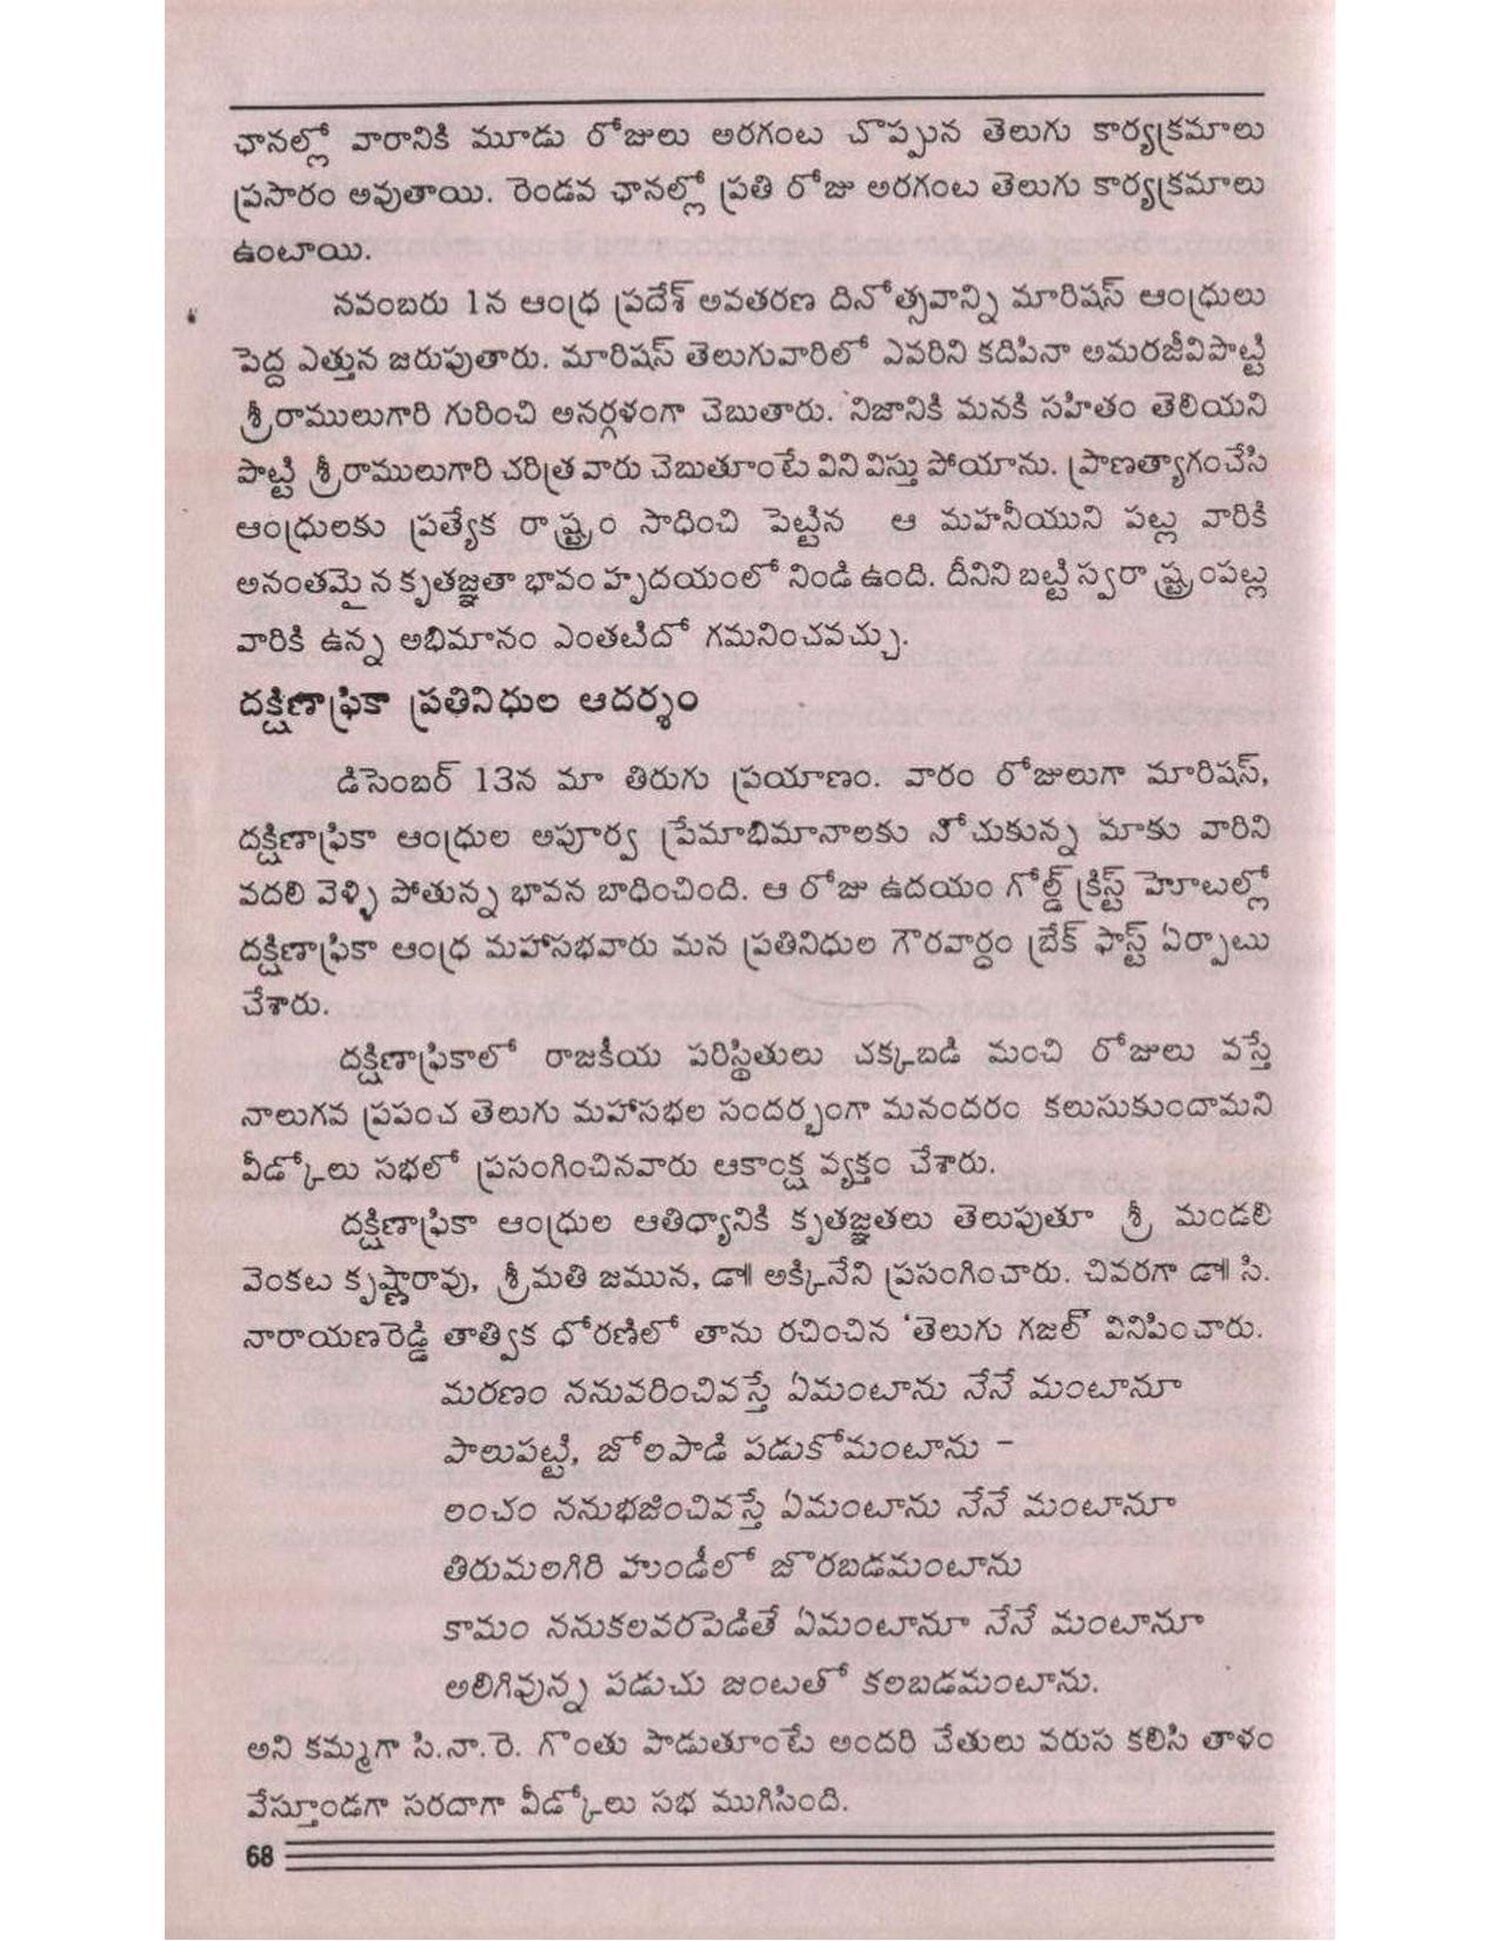ఛానల్లో వారానికి మూడు రోజులు అరగంట చొప్పున తెలుగు కార్యక్రమాలు ప్రసారం అవుతాయి. రెండవ ఛానల్లో ప్రతి రోజు అరగంట తెలుగు కార్యక్రమాలు ఉంటాయి.

నవంబరు 1న ఆంధ్ర ప్రదేశ్ అవతరణ దినోత్సవాన్ని మారిషస్ ఆంధ్రులు పెద్ద ఎత్తున జరుపుతారు. మారిషస్ తెలుగువారిలో ఎవరిని కదిపినా అమరజీవిపాట్టి శ్రీరాములుగారి గురించి అనర్గళంగా చెబుతారు. నిజానికి మనకి సహితం తెలియని పొట్టి శ్రీరాములుగారి చరిత్ర వారు చెబుతూంటే విని విస్తు పోయాను. ప్రాణత్యాగంచేసి ఆంధ్రులకు ప్రత్యేక రాష్ట్రం సాధించి పెట్టిన ఆ మహనీయుని పట్ల వారికి అనంతమైన కృతజ్ఞతా భావం హ్పదయంలో నిండిఉంది. దీనిని బట్టి స్వరాష్ట్రంపట్ల వారికి ఉన్న అభిమానం ఎంతటిదో గమనించవచ్చు. 

దక్షిణాఫ్రికా ప్రతినిధుల ఆదర్శం

డిసెంబర్ 13న మా తిరుగు ప్రయాణం. వారం రోజులుగా మారిషస్, దక్షిణాఫ్రికా ఆంధ్రుల అపూర్వ ప్రేమాభిమానాలకు నోచుకున్న మాకు వారిని వదలి వెళ్ళి పోతున్న భావన బాధించింది. ఆ రోజు ఉదయం గోల్డ్ క్రిస్ట్ హెూటల్లో దక్షిణాఫ్రికా ఆంధ్ర మహాసభవారు మన ప్రతినిధుల గౌరవార్ధం బ్రేక్ ఫాస్ట్ ఏర్పాటు చేశారు.

దక్షిణాఫ్రికాలో రాజకీయ పరిస్థితులు చక్కబడి మంచి రోజులు వస్తే నాలుగవ ప్రపంచ తెలుగు మహాసభల సందర్భంగా మనందరం కలుసుకుందామని వీడ్కోలు సభలో ప్రసంగించినవారు ఆకాంక్ష వ్యక్తం చేశారు.

దక్షిణాఫ్రికా ఆంధ్రుల ఆతిధ్యానికి కృతజ్ఞతలు తెలుపుతూ శ్రీ మండలి వెంకట కృష్ణారావు, శ్రీమతి జమున, డా అక్కినేని ప్రసంగించారు. చివరగా డా సి. నారాయణరెడ్డి తాత్విక ధోరణిలో తాను రచించిన తెలుగు గజల్ వినిపించారు.

అని కమ్మగా సి.నా.రె. గొంతు పాడుతూంటే అందరి చేతులు వరుస కలిసి తాళం వేస్తూండగా సరదాగా వీడ్కోలు సభ ముగిసింది.